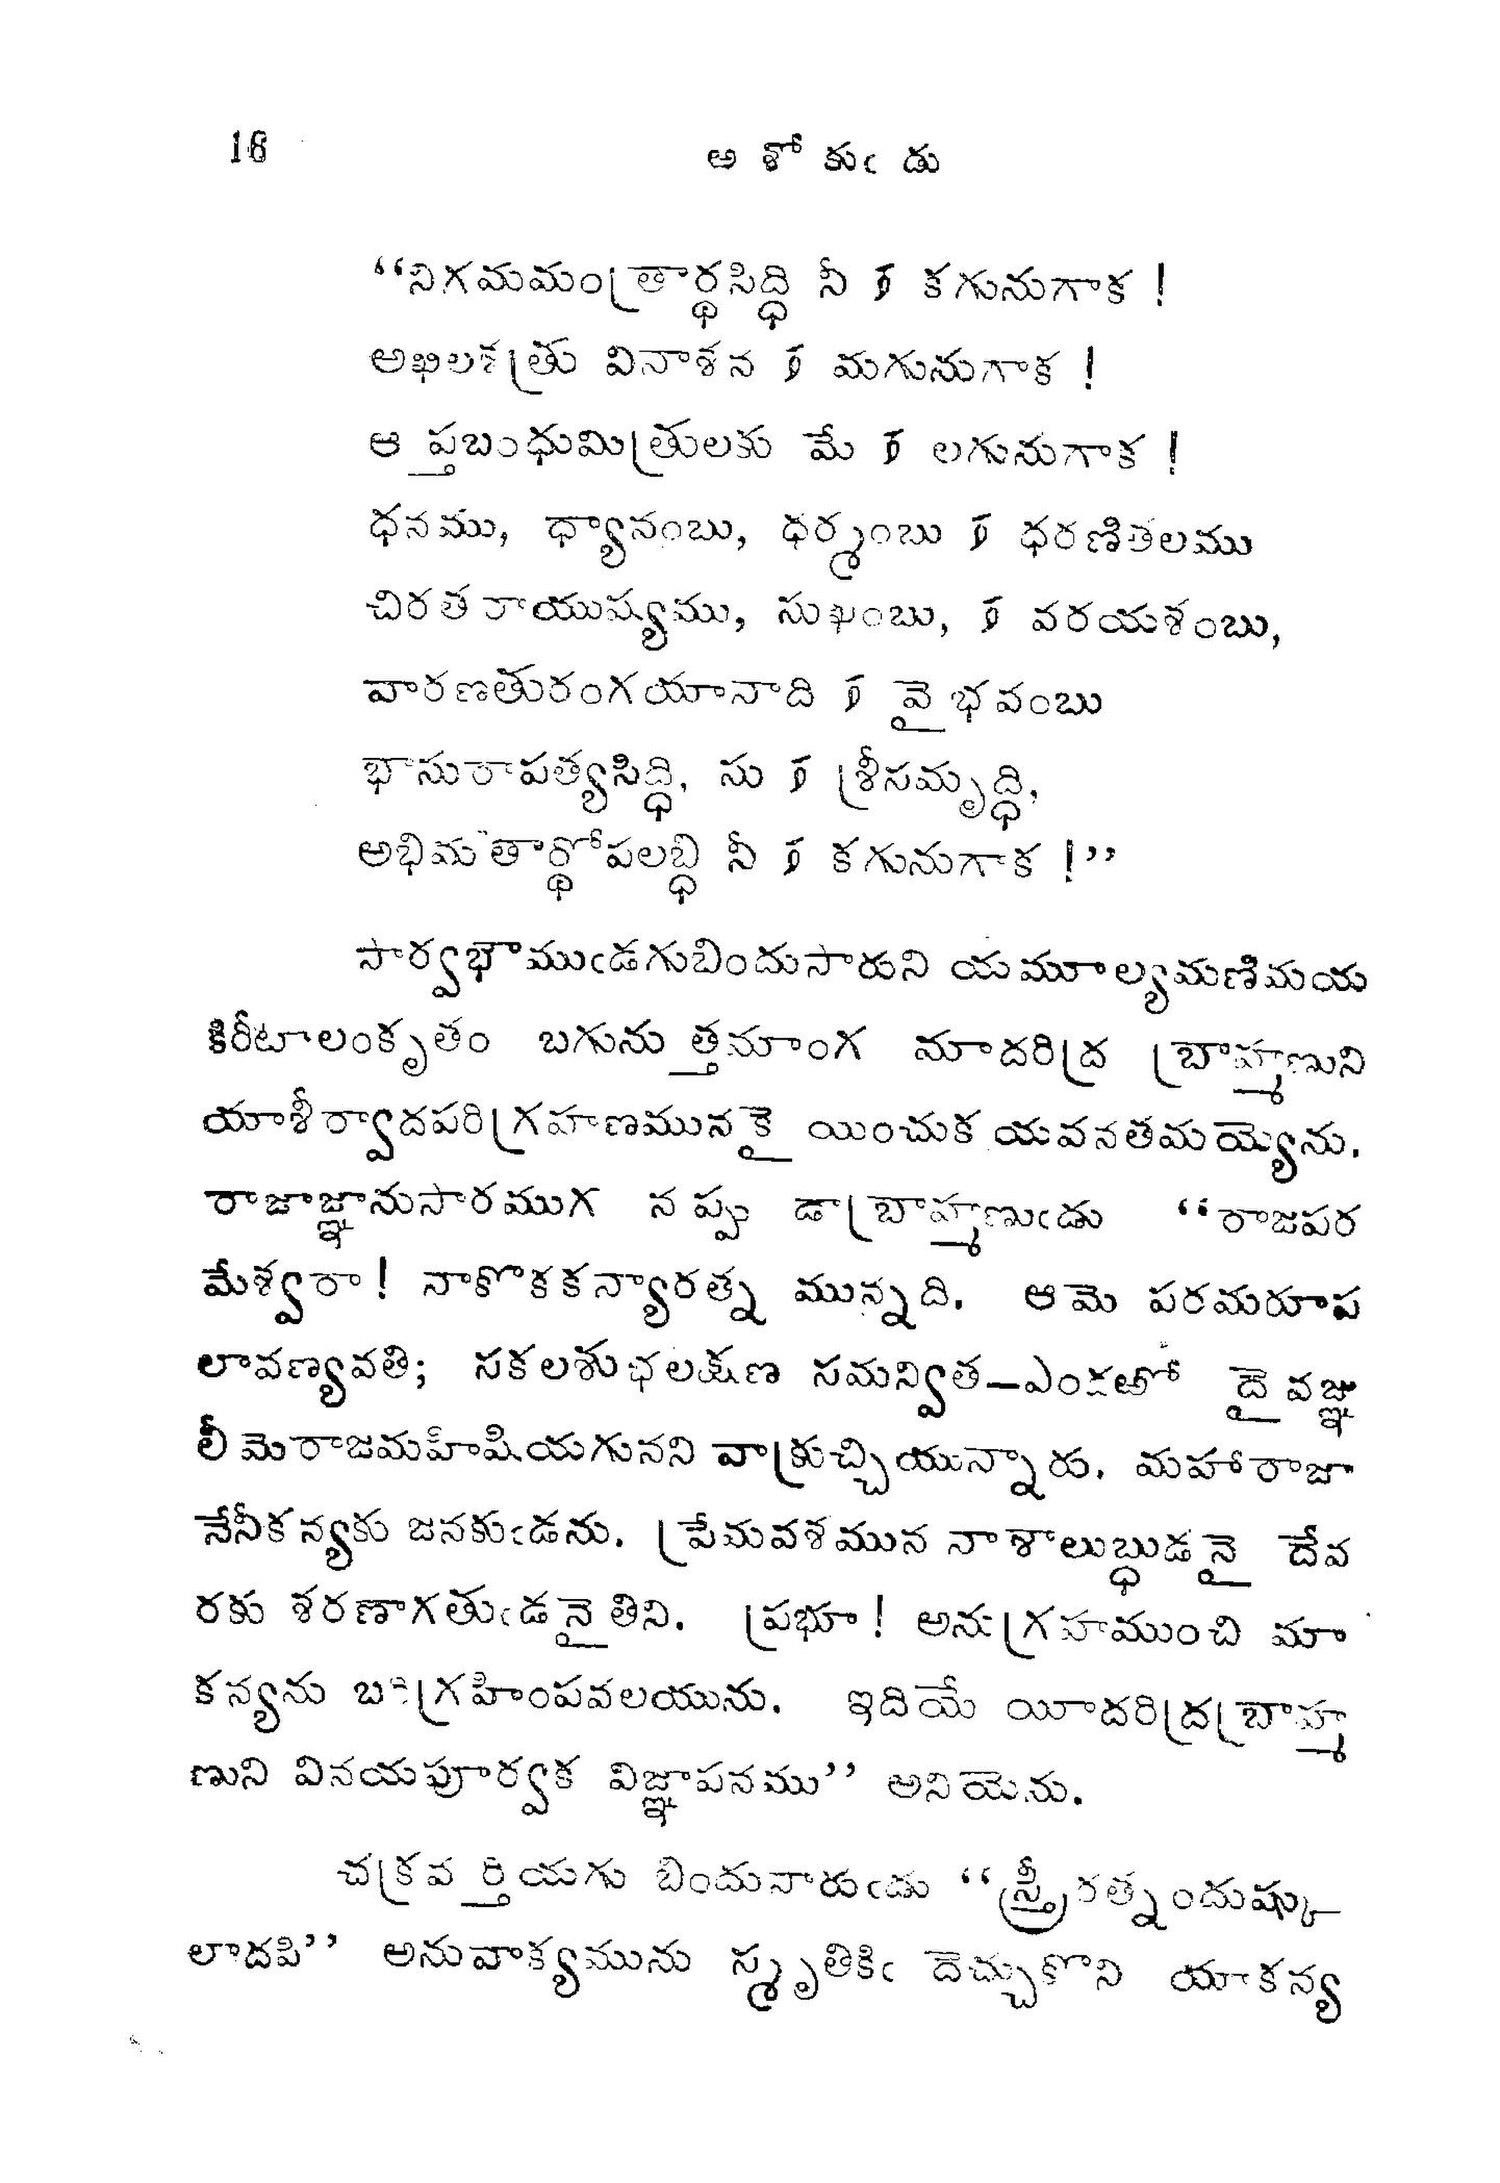“నిగమమంత్రార్థ సిద్ధి నీ | కగునుగాక !
అఖిలశత్రు వినాశన | మగునుగాక !
ఆ పబుధుమిత్రులకు మే | లగునుగాక !
ధనము, ధ్యానంబు, ధర్మంబు | ధరణితలము
చిరతరాయుష్యము, సుఖంబు, | వరయశంబు,
వారణతురంగయానాది | వైభవంబు
భాసురాపత్యసిద్ధి, సు | శ్రీసమృద్ధి,
అభిమతార్ధోపలబ్ధి నీ | కగునుగాక ! "

సార్వభౌముఁడగుబిందుసారుని యమూల్యమణిమయ కిరీటాలంకృతం బగునుత్తనూంగ మాదరిద్ర బ్రాహ్మణుని యాశీర్వాదపరిగ్రహణమునకై యించుక యవనతమయ్యెను, రాజాజ్ఞానుసారముగ నప్పు డాబ్రాహ్మణుఁడు "రాజపరమేశ్వరా ! నాకొకకన్యారత్న మున్నది. ఆమె పరమరూప లావణ్యవతి; సకలశుభలక్షణ సమన్విత - ఎందఱో దైవజ్ఞులీ మెరాజమహీషియగునని వాక్రుచ్చియున్నారు. మహా రాజా నేనీకన్యకు జనకుఁడను. ప్రేమవశమున నాశా లుబ్ధుడనై దేవరకు శరణాగతుఁడ నైతిని. ప్రభూ ! అనుగ్రహముంచి మా కన్యను బరిగ్రహింపవలయును. ఇదియే యీదరిద్ర బ్రాహ్మణుని వినయపూర్వక విజ్ఞాపనము” అనియెను.

చక్రవర్తియగు బిందుసారుఁడు : “స్త్రీ రత్నందుష్కలాదపి ” అను వాక్యమును స్మృతికిఁ దెచ్చుకొని యాకన్య